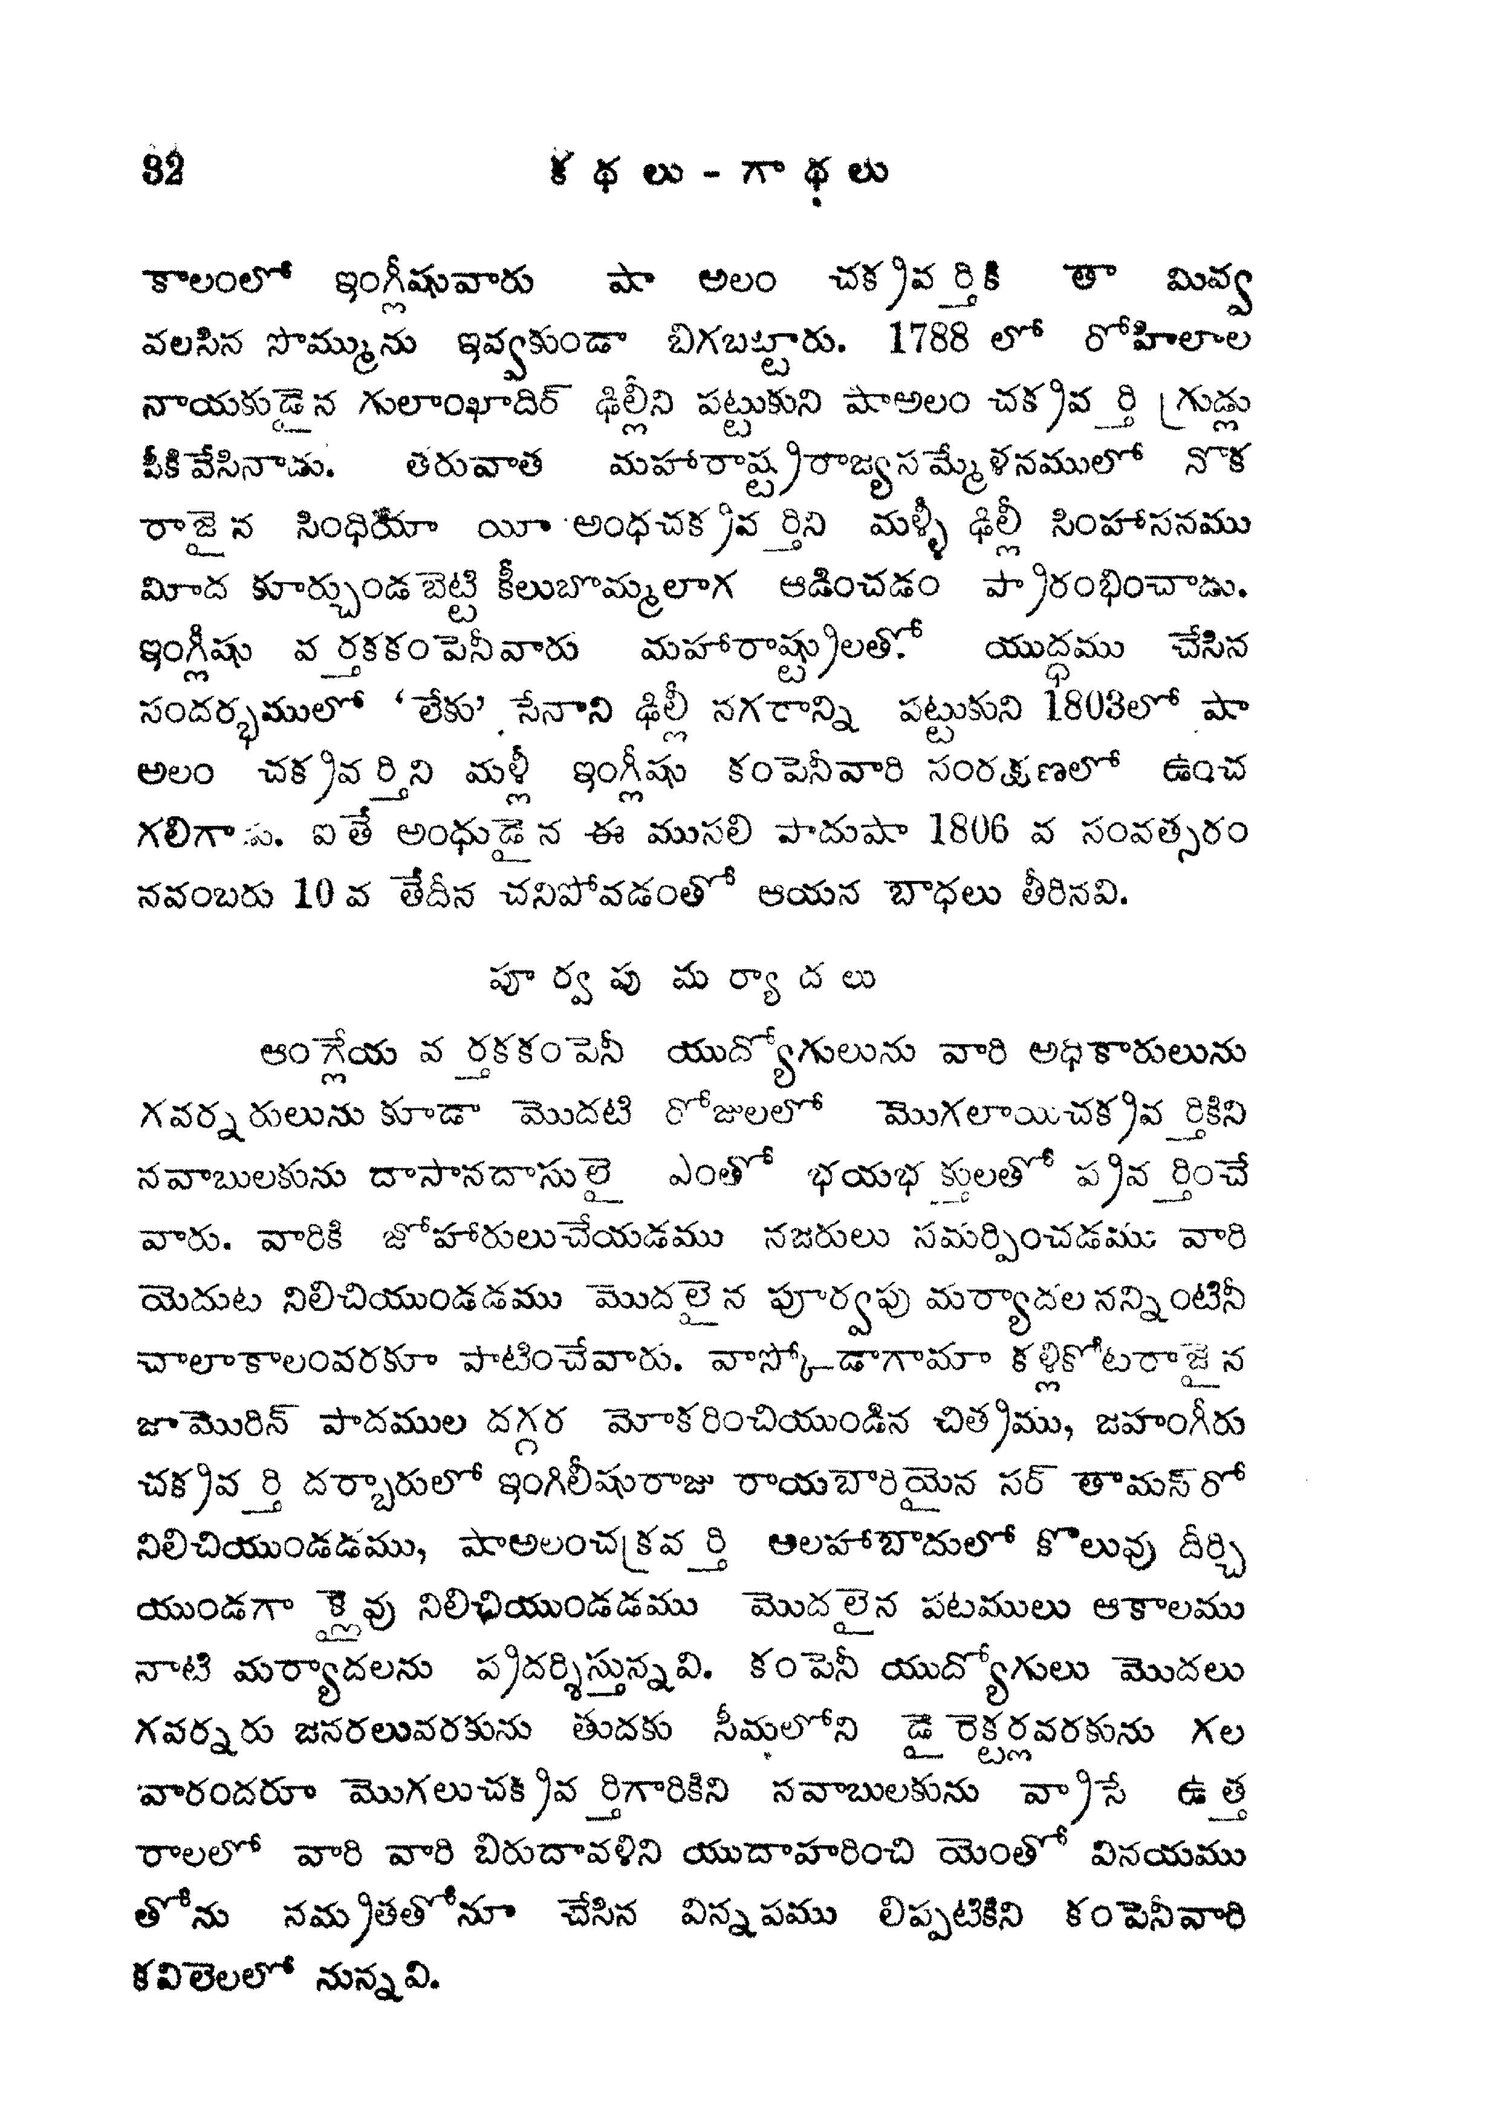కాలంలో ఇంగ్లీషువారు షా ఆలం చక్రవర్తికి తా మివ్వ వలసిన సొమ్మును ఇవ్వకుండా బిగబట్టారు. 1788 లో రోహిలాల నాయకుడైన గులాంఖాదిర్ ఢిల్లీని పట్టుకుని షాఆలం చక్రవర్తి గ్రుడ్లు పీకివేశారు. తరువాత మహారాష్ట్రరాజ్యసమ్మేళనములో నొక రాజైన సింధియా యీ అంధచక్రవర్తిని మళ్ళీ ఢిల్లీ సింహాసనము మీద కూర్చుండబెట్తి కీలుబొమ్మలాగ ఆడించడం ప్రారంభించాడు. ఇంగ్లీషు వర్తక కంపెనీ వారు మహారాష్ట్రులతో, యుద్ధము చేసిన సందర్భములో 'లేకు ' సేనాని ఢిల్లీ నగరాన్ని పట్టుకుని 1806 లో షాఆలం చక్రవర్తిని మళ్లీ ఇంగ్లీషు కంపెనీవారి సంరక్షణలో ఉంచగలిగారు. ఐతే అంధుడైన ఈ ముసలి పాధుషా 1806 వ సంవత్సరం నవంబరు 10 వ తేదీన చనిపొవడంతో ఆయన బాధలు తీరినవి.

 
ఆంగ్లేయ వర్తకకంపెనీ యుద్యోగులును వారి అధికారులును గవర్నరులును కూడా మొదటి రోజులలో మొగలాయిచక్రవర్తిని నవాబులునుకూడా దాసాను దాసులై ఎంతో భయభక్తులతో ప్రవర్తించేవారు. వారికి జోహారులుచేయడము నజరులు సమర్పించడము వారి యెదుట నిలిచియుండడము మొదలైన పూర్వపు మర్యాదలనన్నిటినీ చాలాకాలంవరకూ పాటించేవారు. వాస్కోడాగామా కళ్లికోటరాజైన జామొరిన్ పాదముల దగ్గర మోకరించియుండిన చిత్రము, జహంగీరు చక్రవర్తి దర్బారులో ఇంగిలీషురాజు రాయబారియైన సర్ తామస్ రో నిలిచియుండడము, షాఆలంచక్రవర్తి అలహాబాదులో కొలువు దీర్చి యుండగా క్లైవు నిలిచియుండడము మొదలైన పటములు ఆకాలమునాటి మర్యాదలను ప్రదర్శిస్తున్నవి. కంపెనీ యుద్యోగులు మొదలు గవర్నరు జనరలు వరకును తుదకు సీమలోని డైరక్టర్లవరకును గల వారందరూ మొగలుచక్రవర్తి గారికిని నవాబులకును వ్రాసే ఉత్తరాలలో వారి వారి బిరుదావళిని యుదాహరించి యెంతో వినయము తోను నమ్రతతోనూ చేసిన విన్నపము లిప్పటికిని కంపెనీవారి కవిలెలలో నున్నవి.